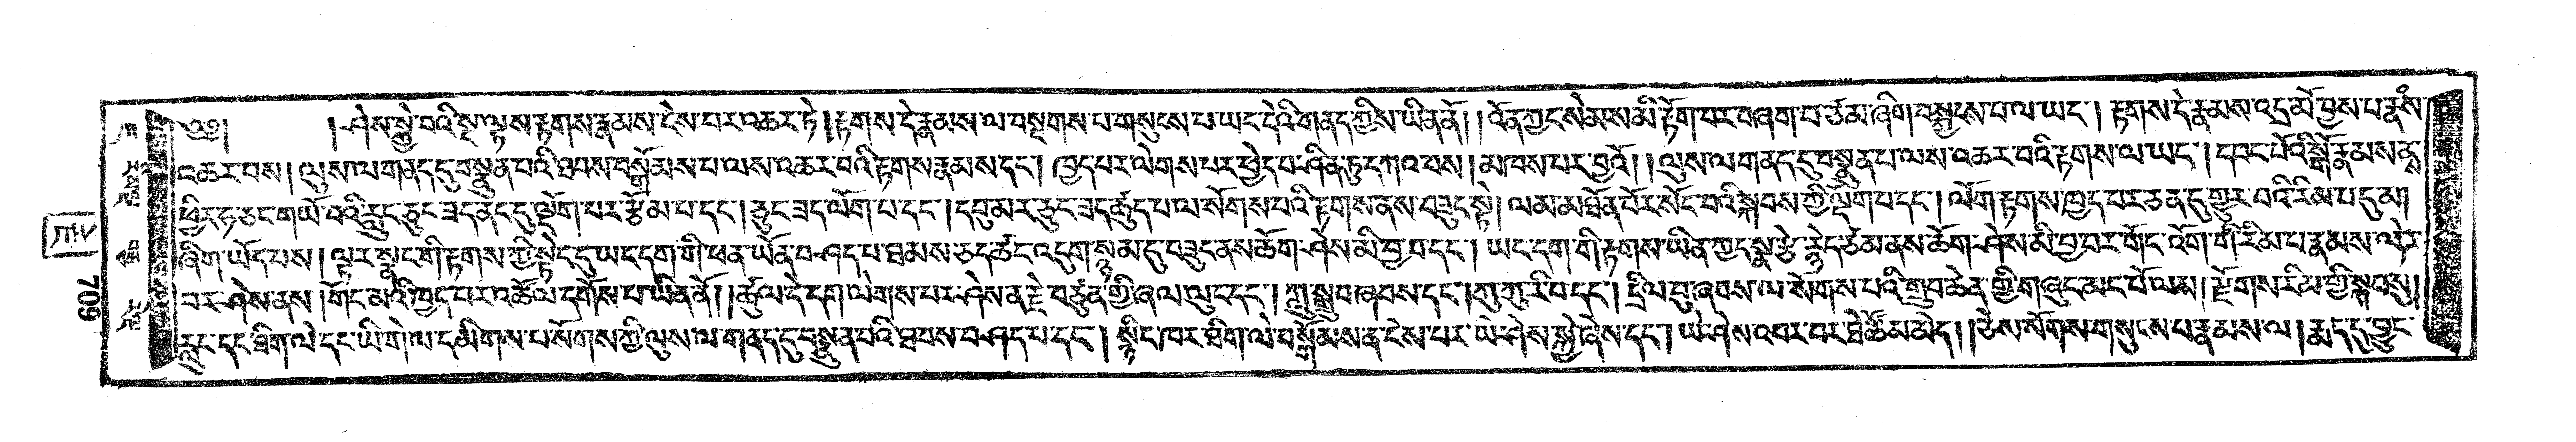༄༅། །ཤེས་སྐྱེ་བའི་སྔ་ལྟས་རྟགས་རྣམས་ངེས་པར་འཆར་ཏེ། རྟགས་དེ་རྣམས་ལ་བསྔགས་པ་གསུངས་པ་ཡང་དེའི་གནད་ཀྱིས་ཡིན་ནོ། །འོན་ཀྱང་སེམས་མི་རྟོག་པར་བཞག་པ་ཙམ་ཞིག་བསྐྱངས་པ་ལ་ཡང་། རྟགས་དེ་རྣམས་འདྲ་མོ་བྱས་པ་རྣམས་
འཆར་བས། ལུས་ལ་གནད་དུ་བསྣུན་པའི་ཐབས་བསྒོམས་པ་ལས་འཆར་བའི་རྟགས་རྣམས་དང་། ཁྱད་པར་ལེགས་པར་ཕྱེད་པ་ཤིན་ཏུ་དཀའ་བས། མཁས་པར་བྱའོ། །ལུས་ལ་གནད་དུ་བསྣུན་པ་ལས་འཆར་བའི་རྟགས་ལ་ཡང་། དབང་པོའི་སྒོ་རྣམས་ནས་
ཕྱིར་ཧ་ཅང་གཡོ་བའི་རླུང་ཅུང་ཟད་ནང་དུ་ལྡོག་པར་རྩོམ་པ་དང་། ཅུང་ཟད་ལོག་པ་དང་། དབུ་མར་ཅུང་ཟད་ཚུད་པ་ལ་སོགས་པའི་རྟགས་ནས་བཟུང་སྟེ། ལམ་མཐོན་པོར་སོང་བའི་སྐབས་ཀྱི་ལྡོག་པ་དང་། ལོག་རྟགས་ཁྱད་པར་ཅན་དུ་གྱུར་བའི་རིམ་པ་དུ་མ།
ཞིག་ཡོད་པས། ལྟར་སྣང་གི་རྟགས་ཀྱི་སྟེང་དུ་ཡང་དག་གི་ཕན་ཡོན་བཤད་པ་ཐམས་ཅད་ཚང་འདུག་སྙམ་དུ་བཟུང་ནས་ཆོག་ཤེས་མི་བྱ་བ་དང་། ཡང་དག་གི་རྟགས་ཡིན་ཀྱང་སྣ་རྩེ་རྙེད་ཙམ་ནས་ཆོག་ཤེས་མི་བྱ་བར་གོང་འོག་གི་རིམ་པ་རྣམས་ལེགས་
པར་ཤེས་ནས། གོང་མའི་ཁྱད་པར་འཚོལ་དགོས་པ་ཡིན་ནོ། །ཚུལ་དེ་དག་ལེགས་པར་ཤེས་ན་རྗེ་བཙུན་གྱི་ཞལ་ལུང་དང་། ཀླུ་སྒྲུབ་ཞབས་དང་། ཀུ་ཀུ་རི་བ་དང་། དྲིལ་བུ་ཞབས་ལ་སོགས་པའི་གྲུབ་ཆེན་གྱི་གཞུང་མང་པོ་ལས། རྫོགས་རིམ་གྱི་སྐབས་སུ།
རླུང་དང་ཐིག་ལེ་དང་ཡི་གེ་ལ་དམིགས་པ་སོགས་ཀྱི་ལུས་ལ་གནད་དུ་བསྣུན་པའི་ཐབས་བཤད་པ་དང་། སྙིང་ཁར་ཐིག་ལེ་བསྒོམས་ན་ངེས་པར་ཡེ་ཤེས་སྐྱེ་ཞེས་དང་། ཡེ་ཤེས་འབར་བར་ཐེ་ཚོམ་མེད། །ཅེས་སོགས་གསུངས་པ་རྣམས་ལ། རྨད་དུ་བྱུང་